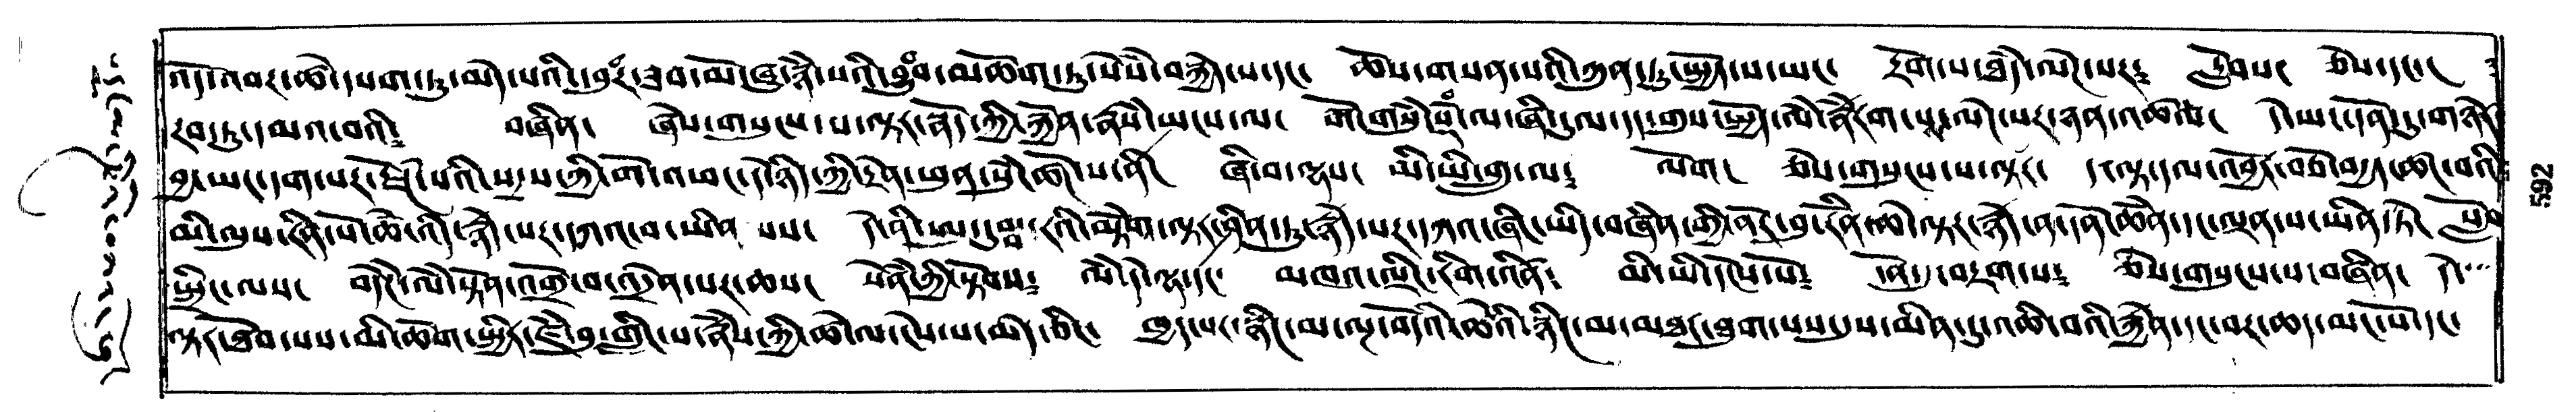འོད་འབར་ཚེ་དཔག་ཏུ་མེད་པའི་དབང་བསྐུར་ཟབ་མོ་ཞུ་སྙམ་པའི་བྱང་ཆུབ་མཆོག་ཏུ་སེམས་བསྐྱེད་པ་དང་། ཆོས་གསན་པའི་ཀུན་ཏུ་སྤྱོད་པ་ཡང་། རྟོག་པ་ཐམས་ཅད་ལེགས་པར༴ བརླབ། ཞེས་དང་། 
རབ་ཏུ་དམའ་བའི༴ བཞིན། ཞེས་གསུངས་པ་ལྟར་སྣོད་ཀྱི་སྐྱོན་རྣམས་སྤངས་ལ། སྒོ་གསུམ་སྡོམ་ལ་ཞི་དུལ་དད་གུས་སྤྱོད་ལམ་རྣམ་པར་དག་པས་ལེགས་པར་ཉན་འཚལ། དེ་ཡང་དོན་དུ་གཉེར་
བྱ་ཡང་དག་པར་རྫོགས་པའི་སངས་རྒྱས་ཀྱི་གོ་འཕང་དེ་ཉིད་ཀྱི་རྟེན་ཕུན་སུམ་ཚོགས་པ་ནི། ཞི་བ་ལྷས། མི་ཡི་གྲུ་ལ༴ ལོག ཅེས་གསུངས་པ་ལྟར། ད་ལྟ་དལ་འབྱོར་བཅོ་བརྒྱད་ཚང་བའི་
མི་ལུས་རིན་པོ་ཆེ་འདི་རྙེད་པར་དཀའ་བ་ཡིན་པས། དེ་ནི་ཨུ་དུམྦ་རའི་མེ་ཏོག་ལྟར་ཤིན་ཏུ་རྙེད་པར་དཀའ་ཞིང་ཡིད་བཞིན་གྱི་ནོར་བུ་རིན་པོ་ཆེ་ལྟར་རྙེད་ན་དོན་ཆེན་པོ་དང་ལྡན་པ་ཡིན་ཏེ། སློབ་
སྤྲིང་ལས། བདེ་གཤེགས་ལམ་སྟོན་འགྲོ་བ་འདྲེན་པར་ཆས། སེམས་ཅན་ཀྱི་སྟོབས་༴ ལམ་དེ་ལྷ་དང༴ མཁའ་ལྡིང་རིག་འཛིན༴ མི་ཡི་དངོས་པོ༴ དོན་དུ་བརྟག་པ༴ ཅེས་གསུངས་པ་བཞིན། དེ་
ལྟར་ཐོབ་པས་མི་ཆོག་སྤྱིར་འཛམ་བུ་གླིང་པ་རྣམས་ཀྱི་ཚེ་ལ་ངེས་པ་མེད་ཅིང་།ཁྱད་པར་སྙིགས་མ་ལྔ་བདོའི་ཚེའི་སྙིགས་མ་མཐར་ཐུག་པས་དུས་མིན་དུ་འཆི་བའི་རྐྱེན་དང་བར་ཆད་མང་པོ་དང་